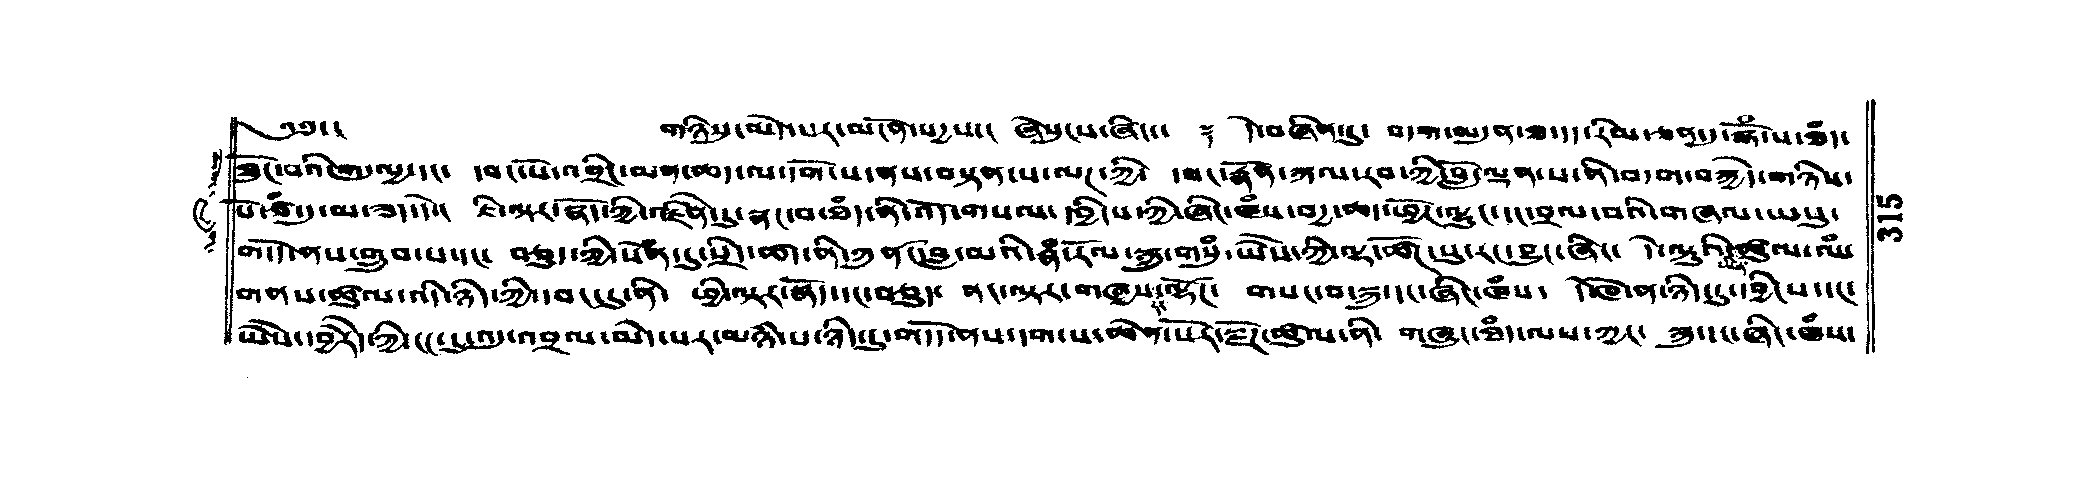གཉིས་སུ་མེད་པར་མངོན་སངས་རྒྱས། །ཞེས་གསུངས་ཞིང་། ༈ དེ་བཞིན་དུ། བདག་མདུན་ཐ་དད་རིམ་ཅན་དུ་སྒོམ་པ་ཐམས་ཅད་
ཐུན་མོང་བའི་གདུལ་བྱ་དང་།དབང་པོ་འབྲིང་མན་ཆད་ལ་དགོངས་ནས་བསྟན་པ་ལགས་ཀྱི། དབང་རྣོན་སྐལ་རབ་ཀྱི་བློ་ལྡན་པ་ནི་བདག་བསྐྱེད་གཉིས་
པོ་ཙམ་དུ་ཟད་དེ། ཇི་ལྟར་སྣོད་ཀྱི་འཇིག་རྟེན་དུ་སྣང་བ་ཐམས་ཅད་ནི་འོད་གསལ་དབྱིངས་ཀྱི་ཞིང་ཁམས་བརྒྱ་ཆད་ཕྱོགས་ལྷུང་དང་བྲལ་བའི་གཞལ་ཡས་སུ་༔
གདོད་ནས་གྲུབ་པ་དང་། བཅུད་ཀྱི་སེམས་ཅན་དུ་སྲིད་ཚད་ནི་ཀུན་བཟང་བླ་མའི་རྣམ་རོལ་སྐུ་གསུམ་ཡེ་ཤེས་ཀྱི་ལྷ་ཚོགས་སུ་རང་བྱུང་ཞིང་། དེ་ལྟ་བུའི་ཚུལ་ལམ་
གནས་ཚུལ་འདི་ཉིད་ཀྱི་དབང་དུ་ནི། ཕྱི་ལྟར་སྣོད་དང་བཅུད། ནང་ལྟར་གཞལ་ཡས་དང་ལྷ་ཚོགས། གསང་བ་སྐུ་དང་ཞིང་ཁམས། དེ་ཁོ་ན་ཉིད་དུ་དབྱིངས་དང་
ཡེ་ཤེས་དབྱེར་མེད་ཀྱི་ངང་དུ་འདུ་འབྲལ་མེད་པར་མཉམ་པ་ཉིད་དུ་གདོད་ནས་དག་པ་ཆེན་པོར་རྫོགས་ཚུལ་ནི། གཞུང་ཐམས་ཅད་ལས་ཀྱང་། སྐུ་དང་ཞིང་ཁམས་